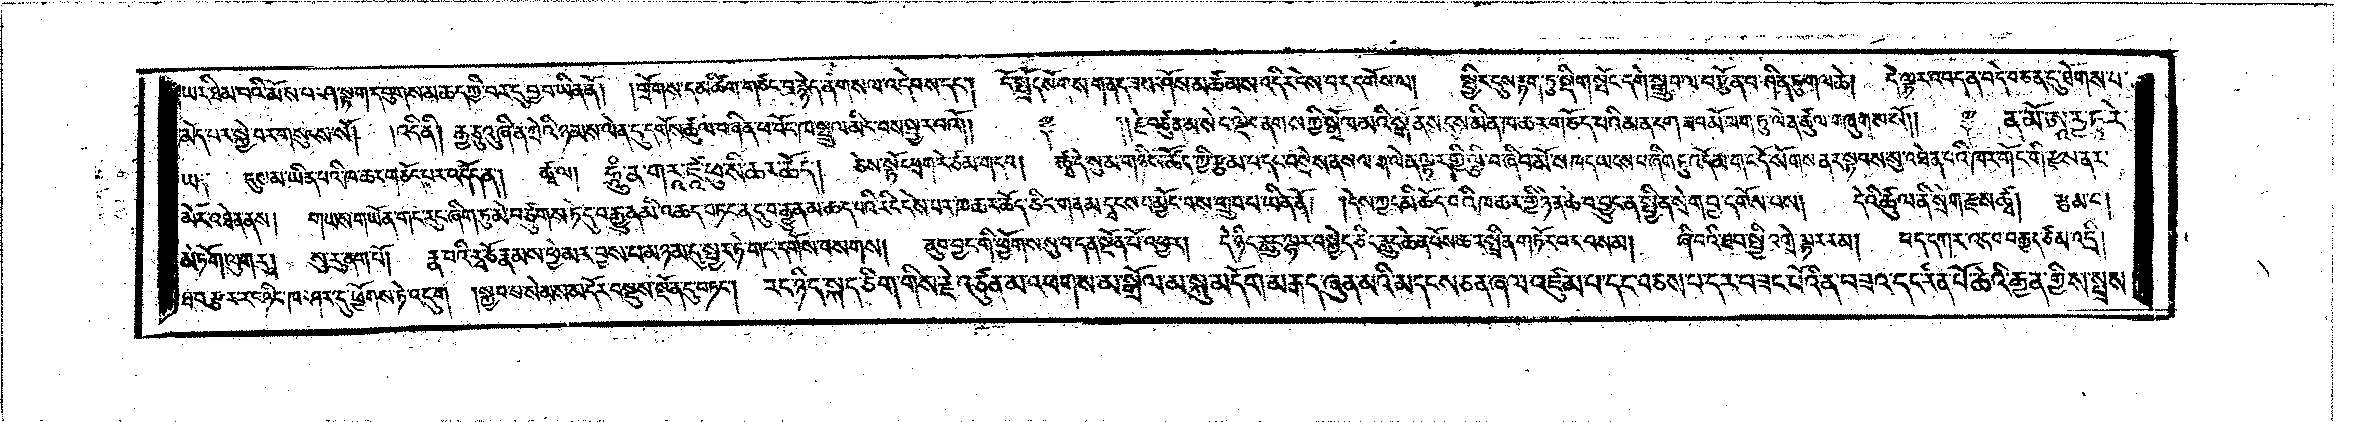ཡར་ཐིམ་པའི་མོས་པ་ཤ་སྟག་དབུགས་མ་ཆད་ཀྱི་བར་དུ་བྱ་བ་ཡིན་ནོ། །གྲོགས་དམ་ཚིག་གཙང་བརྙེད་ན་གསལ་འདེབས་དང་། ངོ་སྤྲོད་སོགས་གནད་ཟས་ཤོས་མཚམས་འདིར་ངེས་བར་དགོས་ལ། སྤྱིར་དུས་རྟག་ཏུ་སྡིག་སྤོང་དགེ་སྒྲུབ་ལ་བརྩོན་པ་ཤིན་ཏུ་གལ་ཆེ། དེ་ལྟར་འབད་ན་བདེ་བ་ཅན་དུ་ཐོགས་པ་
མེད་པར་སྐྱེ་བར་གསུངས་སོ། །འདི་ནི། རྒྱ་ཅུའི་ཞིན་ཀྲེའི་ཉམས་ལེན་དུ་དགོས་ཚུལ་བཞིན་ཕ་བོང་ཁ་སྤྲུལ་མིང་བས་སྦྱར་བའོ།། ༈ །།རྗེ་བཙུན་མ་སེང་ལྡེང་ནགས་ཀྱི་སྒྲོལ་མའི་སྒོ་ནས་དུས་མིན་ཁ་ཆར་གཅོད་པའི་མན་ངག །ཟབ་མོ་ལག་ཏུ་ལེན་ཚུལ་བཞུགས་སོ།། ༈ ན་མོ་ཨཱ་རྱ་ཏཱ་རེ་
ཡ༑ དུས་མ་ཡིན་པའི་ཁ་ཆར་གཅོད་པར་འདོད་ན། ཚྭ་ལ། ཧཱུཾ་ན་གརཱ་ཛཱ་ཕུ་སི་ཆར་ཆོད། ཅེས་སྟོང་ཕྲག་རེ་ཙམ་གདབ། ཚྭ་དེ་སུམ་གཉིས་ཚོད་ཀྱི་རྩམ་པ་དང་བསྲེས་ནས་ལག་ལེན་ལྟར་གྱི་ལྕི་བ་ཞིབ་མོ་ས་ཁད་ཡངས་པ་ཞིག་ཏུ་འདོམ་གང་དོ་སོགས་ནར་སྟབས་སུ་འཐན་པའི་ཁར་གོང་གི་རྫས་ནར་
མོར་འཐེན་ནས། གཡས་གཡོན་གང་རུང་ཞིག་ཏུ་མེ་བཙུགས་ཏེ་དུ་བརྒྱུན་མ་འཆད་བཏང་ན་དུ་བརྒྱུན་མ་ཆད་པའི་རིང་ངེས་པར་ཁ་ཆར་ཆོད་ཅིང་གནམ་དྭངས་པ་མྱོང་བས་གྲུབ་པ་ཡིན་ནོ། །དེས་ཀྱང་མི་ཆོད་པའི་ཁ་ཆར་གྱི་ཉེན་ཆེ་བ་འབྱུང་ན་སྦྱིན་སྲེག་བྱ་དགོས་པས། དེའི་ཚུལ་ནི་སྲེག་རྫས་ཚྭ། རྩམ་པ།
མེ་ཏོག་ལུག་རུ། སུ་རུ་ནག་པོ། རྣ་བའི་རྭ་ཅོ་རྣམས་ཕྱེ་མར་བྱས་པ་མཉམ་དུ་སྦྱར་ཏེ་གང་དགོས་བསགས། ནུབ་བྱང་གི་ཕྱོགས་སུ་བ་དན་སྔོན་པོ་འཕྱར། དེ་ཉིད་རླུང་ལྷར་བསྐྱེད་ཅིང་རླུང་ཆེན་པོས་ཆར་སྤྲིན་གཏོར་བར་བསམ། ཞི་བའི་ཐབ་སྤྱི་འགྲེ་ལྟར་རམ། པད་དཀར་འདབ་བརྒྱད་ཙམ་འདྲི།
ཐབ་རྩར་རང་ཉིད་ཁ་ཤར་དུ་ཕྱོགས་ཏེ་འདུག །སྐྱབས་སེམས་མདོར་བསྡུས་སྔོན་དུ་བཏང་། རང་ཉིད་སྐད་ཅིག་གིས་རྗེ་བཙུན་མ་འཕགས་མ་སྒྲོལ་མ་སྐུ་མདོག་མྲྒད་ཞུན་མའི་མདངས་ཅན་ཞལ་འཛུམ་པ་དང་བཅས་པ་དར་བཟང་པོའི་ན་བཟའ་དང་རིན་པོ་ཆེའི་རྒྱན་གྱིས་སྤྲས་